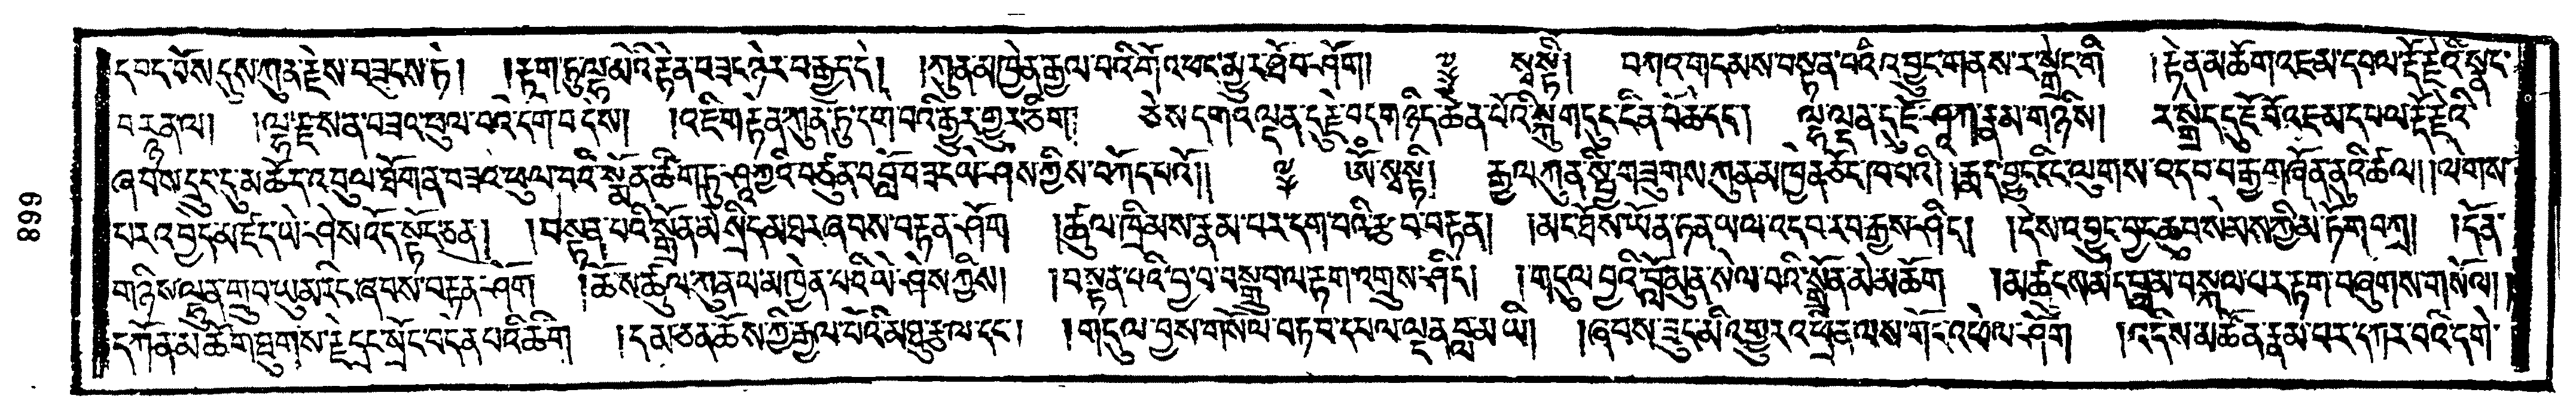དབང་པོས་དུས་ཀུན་རྗེས་བཟུངས་ཏེ། །རྟག་ཏུ་ལྷ་མིའི་རྟེན་བཟང་ཉེར་བརྒྱུད་དེ། །ཀུན་མཁྱེན་རྒྱལ་བའི་གོ་འཕང་མྱུར་ཐོབ་ཤོག། ༈ སྭསྟི། བཀའ་གདམས་བསྟན་པའི་འབྱུང་གནས་ར་སྒྲེང་གི །རྟེན་མཆོག་འཇམ་དཔལ་རྡོ་རྗེའི་སྣང་
བརྙན་ལ། །ལྷ་རྫས་ན་བཟའ་ཕུལ་བའི་དགེ་བ་དེས། །འཇིག་རྟེན་ཀུན་ཏུ་དགེ་བའི་རྒྱུར་གྱུར་ཅིག། ཅེས་དགའ་ལྡན་དུ་རྗེ་བདག་ཉིད་ཆེན་པོའི་སྐུ་གདུང་དིན་པོ་ཆེ་དང་། །ལྷ་ལྡན་དུ་ཇོ་ཤཱ་ཀ་རྣམ་གཉིས། ར་སྒྲེད་དུ་ཇོ་བོ་འཇམ་དཔལ་རྡོ་རྗེའི་
ཞབས་དྲུང་དུ་མཆོད་འབུལ་ཐོག་ན་བཟའ་ཕུལ་པའི་སྨོན་ཚིག་ཏུ་ཤཱཀྱའི་བཙུན་བ་བློ་བཟང་ཡེ་ཤེས་ཀྱིས་བཀོད་པའོ།། ༈ ཨོཾ་སྭསྟི། རྒྱལ་ཀུན་སྤྱི་གཟུགས་ཀུན་མཁྱེན་ཙོང་ཁ་པའི། །རྨད་བྱུང་དིང་ལུགས་འདབ་བརྒྱ་གཞོན་ནུའི་ཚལ། །ལེགས་
པར་འབྱེད་མཛད་ཡེ་ཤེས་འོད་སྟོང་ཅན། །བསྟན་པའི་སྒྲོན་མེ་སྲིད་མཐར་ཞབས་བརྟན་ཤོག །ཚུལ་ཁྲིམས་རྣམ་པར་དག་པའི་རྩ་བ་བརྟན། །མང་ཐོས་ཡོན་ཏན་ཡལ་འདབ་རབ་རྒྱས་ཤིང་། །དེས་འབྱུང་བྱང་ཆུབ་སེམས་ཀྱི་མེ་ཏོག་བཀྲ། །དོན་
གཉིས་ལྷུན་གྲུབ་ཡུམ་རིང་ཞབས་བརྟན་ཤོག །ཆོས་ཚུལ་ཀུན་ལ་མཁྱེན་པའི་ཡེ་ཤེས་ཀྱིས། །བསྟན་པའི་བྱ་བ་བསྒྲུབ་ལ་རྟག་འགྲུས་ཤིང་། །གདུལ་བྱའི་བློ་མུན་སེལ་བའི་སྒྲོན་མེ་མཆོག །མཚུངས་མེད་བླ་མ་བསྐལ་པར་རྟག་བཞུགས་གསོལ། །
དཀོན་མཆོག་ཐུགས་རྗེ་དྲང་སྲོང་བདེན་པའི་ཚིག །དམ་ཅན་ཆོས་ཀྱི་རྒྱལ་པོའི་མཐུ་རྩལ་དང་། །གདུལ་བྱས་གསོལ་བཏབ་དཔལ་ལྡན་བླ་མ་ཡི། །ཞབས་ཟུང་མི་འགྱུར་འཕྲིན་ལས་གོང་འཕེལ་ཤོག །འདིས་མཚོན་རྣམ་པར་དཀར་བའི་དགེ་